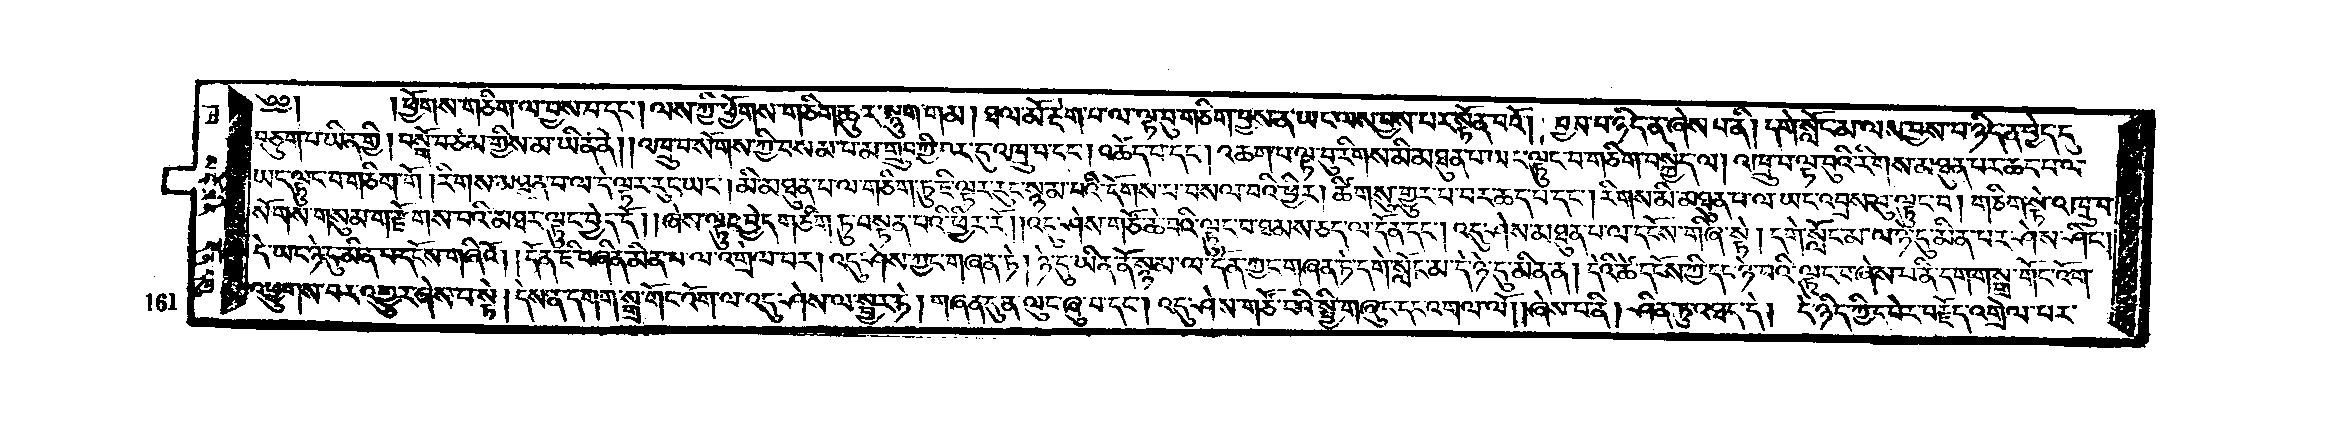༄༅། །ཕྱོགས་གཅིག་ལ་བྱས་པ་དང་། ལས་ཀྱི་ཕྱོགས་གཅིག་ཆུར་སྙུག་གམ། ཐལ་མོ་རྡེག་པ་ལ་ལྟ་བུ་གཅིག་བྱས་ན་ཡང་ལས་བྱས་པར་སྟོན་པའོ། །བྱས་པ་ཉིད་ན་ཞེས་པ་ནི། དགེ་སློང་མ་ལས་བྱས་པ་ཉིད་ན་བྱེད་དུ་
བཅུག་པ་ཡིན་གྱི། བསྒོ་བ་ཙམ་གྱིས་མ་ཡིན་ནོ། །འཁྲུ་བ་སོགས་ཀྱི་བསམ་པ་མ་གྲུབ་ཀྱི་བར་དུ་འཁྲུ་བ་དང་། འཚེད་པ་དང་། འཆག་པ་ལྟ་བུ་རིགས་མི་མཐུན་པ་ཡང་ལྟུང་བ་གཅིག་བསྐྱེད་ལ། འཁྲུ་བ་ལྟ་བུའི་རིགས་མཐུན་པར་ཆད་པ་ལ་
ཡང་ལྟུང་བ་གཅིག་གོ །རིགས་མཐུན་པ་ལ་དེ་ལྟར་རུང་ཡང་། མི་མཐུན་པ་ལ་གཅིག་ཏུ་ཇི་ལྟར་རུང་སྙམ་པའི་དོགས་པ་བསལ་བའི་ཕྱིར། ཚིགས་སུ་གྱུར་པ་བར་ཆད་པ་དང་། རིགས་མི་མཐུན་པ་ལ་ཡང་འབྲས་བུ་ལྟུང་བ། གཅིག་སྟེ་འཁྲུ་བ་
སོགས་གསུམ་ག་རྫོགས་པའི་མཐར་ལྟུང་བྱེད་དོ། །ཞེས་ལྟུང་བྱེད་གཅིག་ཏུ་བསྟན་པའི་ཕྱིར་རོ། །འདུ་ཤེས་གཙོ་ཆེ་བའི་ལྟུང་བ་ཐམས་ཅད་ལ་དོན་དང་། འདུ་ཤེས་མཐུན་པ་ལ་དངོས་གཞི་སྟེ། དགེ་སློང་མ་ལ་ཉེ་དུ་མིན་པར་ཤེས་ཤིང་། །
དེ་ཡང་ཉེ་དུ་མིན་པ་དངོས་གཞིའོ། །དོན་ཇི་བཞིན་མིན་པ་ལ་འགྲེལ་པར། འདུ་ཤེས་ཀྱང་གཞན་ཏེ། ཉེ་དུ་ཡིན་ནོ་སྙམ་ལ་དོན་ཀྱང་གཞན་ཏེ་དགེ་སློང་མ་དེ་ཉེ་དུ་མིན་ན། དེའི་ཚེ་དངོས་ཀྱི་དང་ཉེ་བའི་ལྟུང་བ་ཞེས་པ་ནི་དགག་སྒྲ་གོང་འོག་
འཕྱུགས་པར་འགྱུར་ཞེས་པ་སྟེ། དེས་ན་དགག་སྒྲ་གོང་འོག་ལ་འདུ་ཤེས་ལ་སྦྱར་ཏེ། གཞན་དུ་ན་ལུང་ཞུ་བ་དང་། འདུ་ཤེས་གཙོ་བའི་སྤྱི་གཞུང་དང་འགལ་ལོ། །ཞེས་པ་ནི། ཤིན་ཏུ་འཐད་དེ། དེ་ཉིད་ཀྱི་དཔེར་བརྗོད་འགྲེལ་པར་